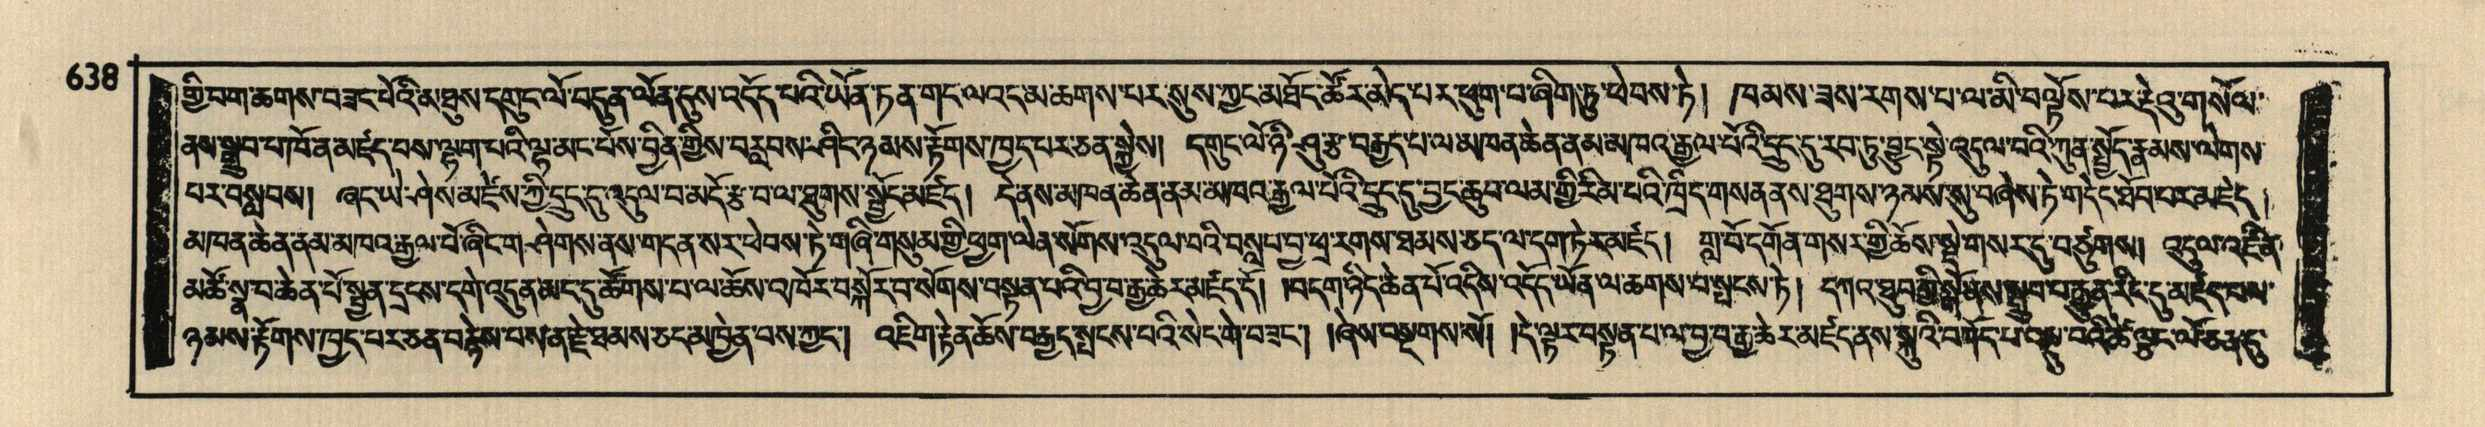གྱི་བག་ཆགས་བཟང་པོའི་མཐུས་དགུང་ལོ་བདུན་ལོན་དུས་འདོད་པའི་ཡོན་ཏན་གང་ལའང་མ་ཆགས་པར་སུས་ཀྱང་མཐོང་ཚོར་མེད་པར་ཕུག་པ་ཞིག་ཏུ་ཕེབས་ཏེ། ཁམས་ཟས་རགས་པ་ལ་མི་བལྟོས་པར་རྡེའུ་གསོལ་
ནས་སྒྲུབ་པ་ཁོ་ན་མཛད་བས་ལྷག་པའི་ལྷ་མང་པོས་བྱིན་གྱིས་བརླབས་ཤིང་ཉམས་རྟོགས་ཁྱད་པར་ཅན་སྐྱེས། དགུང་ལོ་ཉི་ཤུ་རྩ་བརྒྱད་པ་ལ་མཁན་ཆེན་ནམ་མཁའ་རྒྱལ་པོའི་དྲུང་དུ་རབ་ཏུ་བྱུང་སྟེ་འདུལ་བའི་ཀུན་སྤྱོད་རྣམས་ལེགས་
པར་བསླབས། ཞང་ཡེ་ཤེས་མཛེས་ཀྱི་དྲུང་དུ་འདུལ་བ་མདོ་རྩ་བ་ལ་ཐུགས་སྦྱོང་མཛད། དེ་ནས་མཁན་ཆེན་ནམ་མཁའ་རྒྱལ་པོའི་དྲུང་དུ་བྱང་ཆུབ་ལམ་གྱི་རིམ་པའི་ཁྲིད་གསན་ནས་ཐུགས་ཉམས་སུ་བཞེས་ཏེ་གདེང་ཐོབ་པར་མཛད།
མཁན་ཆེན་ནམ་མཁའ་རྒྱལ་པོ་ཞིང་གཤེགས་ནས་གདན་སར་ཕེབས་ཏེ་གཞི་གསུམ་གྱི་ཕྱག་ལེན་སོགས་འདུལ་བའི་བསླབ་བྱ་ཕྲ་རགས་ཐམས་ཅད་ལ་དག་ཏེར་མཛད། གླ་བོ་དགོན་གསར་གྱི་ཆོས་སྡེ་གསར་དུ་བཙུགས། འདུལ་འཛིན་
མཚོ་སྣ་བ་ཆེན་པོ་སྦྱན་དྲངས་དགེ་འདུན་མང་དུ་ཚོགས་པ་ལ་ཆོས་འཁོར་བསྐོར་བ་སོགས་བསྟན་པའི་བྱ་བ་རྒྱ་ཆེར་མཛད་དོ། །བདག་ཉིད་ཆེན་པོ་འདིས་འདོད་ཡོན་ལ་ཆགས་བ་སྤངས་ཏེ། དཀའ་ཐུབ་གྱི་སྒོ་ནས་སྒྲུབ་པ་རྒྱུན་རིང་དུ་མཛད་བས་
ཉམས་རྟོགས་ཁྱད་པར་ཅན་བརྙེས་བས་ན་རྗེ་ཐམས་ཅད་མཁྱེན་བས་ཀྱང་། འཇིག་རྟེན་ཆོས་བརྒྱད་སྤངས་པའི་སེང་གེ་བཟང་། །ཞེས་བསྔགས་སོ། །དེ་ལྟར་བསྟན་པ་ལ་བྱ་བ་རྒྱ་ཆེར་མཛད་ནས་སྐུའི་བཀོད་པ་བསྡུ་བའི་ཚེ་ལྕང་ལོ་ཅན་དུ་